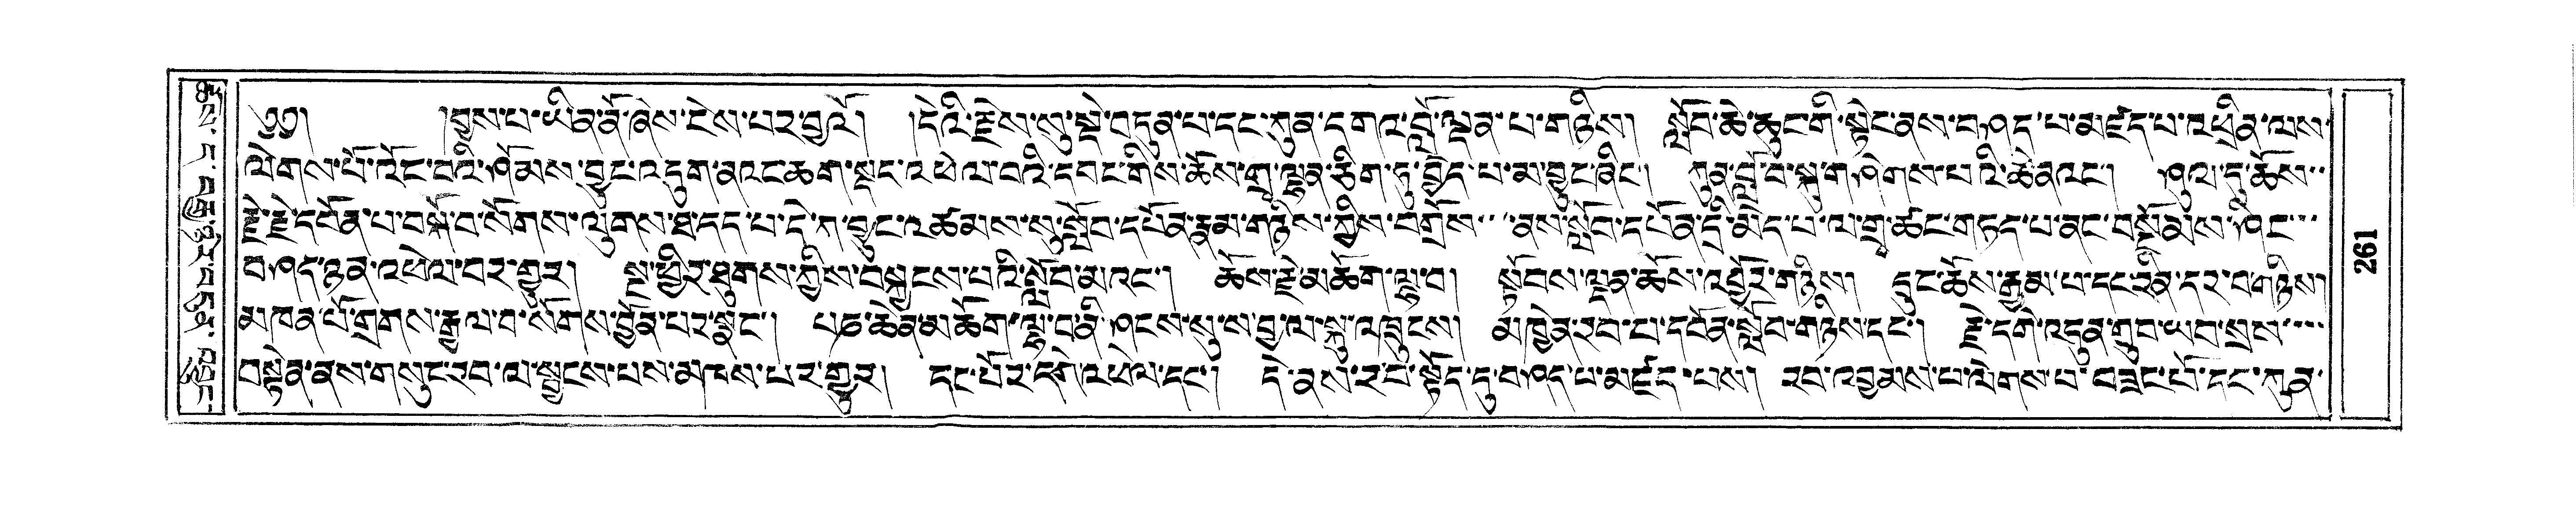༄༅། །བྱས་པ་ཡིན་ནོ་ཞེས་ངེས་པར་བྱའོ། །དེའི་རྗེས་སུ་སྡེ་བདུན་པ་དང་ཀུན་དགའ་བློ་ལྡན་པ་གཉིས། སློབ་ཆེ་ཆུང་གི་སྟེང་ནས་བཤད་པ་མཛད་པ་འཕྲིན་ལས་
ལེགས་པོ་འོང་བའི་ཤོམས་བྱུང་འདུག་ནའང་ཆག་སྡང་འཕེལ་བའི་དབང་གིས་ཆོས་གྲྭ་ལྷན་ཅིག་ཏུ་བྱེད་པ་མ་བྱུང་ཞིང་། ཀུན་བློ་བ་སྐུ་གཤེགས་པའི་ཆེན་ནའང་། ཤུལ་དུ་ཆོས་
རྗེ་རྗེ་དབོན་པ་བསྐོ་བ་སོགས་ལུགས་ཐ་དད་པ་དེ་ཀ་བྱུང་འཚམས་སུ་སློབ་དཔོན་རྣམ་གཉིས་ཀྱིས་བགྲོས་ནས་སློབ་དཔོན་དྲི་མེད་པ་ལ་གྲྭ་ཚང་གཏད་པ་ནང་བསྡོམས་ཤིང་
བཤད་ཉན་འཕེལ་བར་གྱུར། སྔ་ཕྱིར་ཐུགས་ཀྱིས་བསྐྱངས་པའི་སློབ་མའང་། ཆོས་རྗེ་མཆོག་ལྷ་བ། སྟོབས་ལྡན་ཆོས་འབྱོར་གཉིས། དྲུང་ཆོས་རྒྱམ་པ་དང་རིན་དར་བ་གཉིས་
མཁན་པོ་གྲགས་རྒྱལ་བ་སོགས་བྱོན་པར་སྣང་། པཎ་ཆེན་མཆོག་ལྷ་བ་ནི་ཤངས་སུ་ས་བྱ་ལ་སྐུ་འཁྲུངས། མཁྱེན་རབ་པ་དབོན་སློབ་གཉིས་དང་། རྗེ་དགེ་འདུན་གྲུབ་ཡབ་སྲས་
བསྟེན་ནས་གསུང་རབ་ལ་སྦྱངས་པས་མཁས་པར་གྱུར། དང་པོར་དགེ་འཕེལ་དང་། དེ་ནས་ར་བ་སྟོད་དུ་བཤད་པ་མཛད་པས། རབ་འབྱམས་པ་ལེགས་པ་བཟང་པོ་དང་ཀུན་